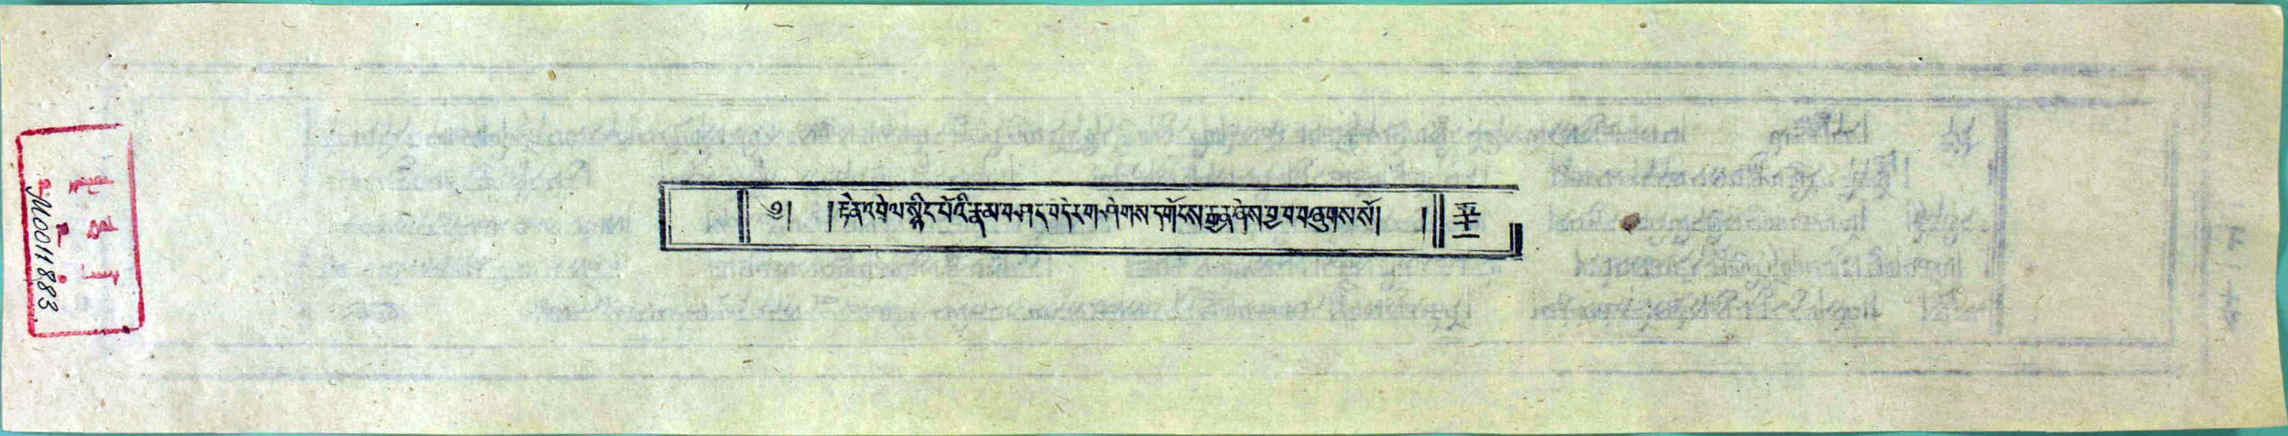༄༅། ། རྟེན་འབྲེལ་སྙིང་པོའི་རྣམ་བཤད་བདེར་གཤེགས་དགོངས་བརྒྱ་ཞེས་བྱ་བ་ཞུགས་སོ།